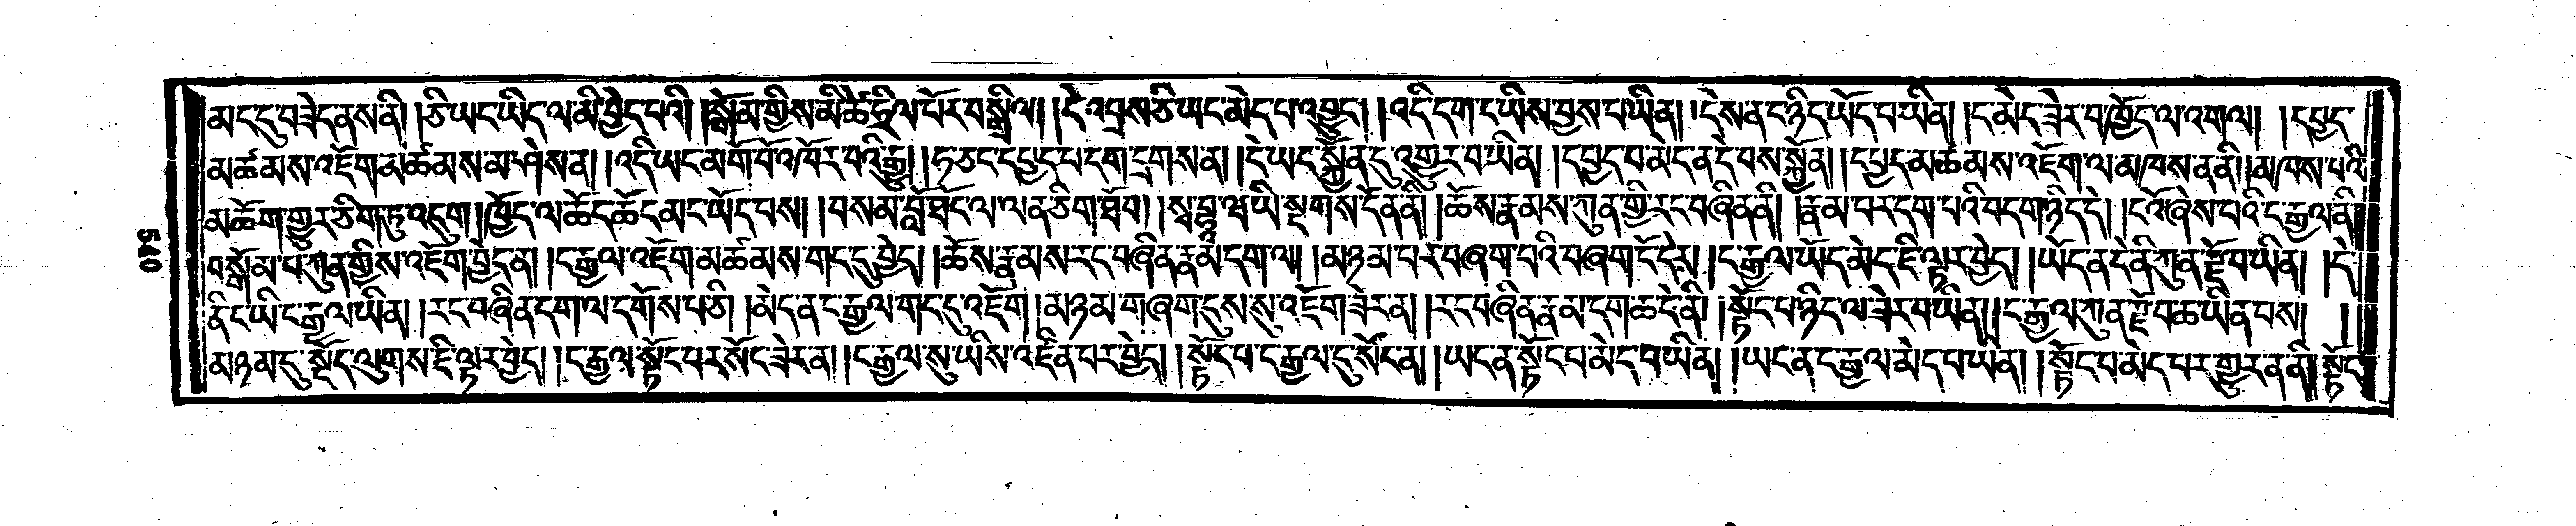མང་དུ་བཟེད་ནས་ནི། །ཅི་ཡང་ཡིད་ལ་མི་བྱེད་པའི། །སྒོམ་གྱིས་མི་ཚེ་ཧྲིལ་པོར་བསྒྲིལ། །དེ་འབྲས་ཅི་ཡང་མེད་པ་འབྱུང་། །འདི་དག་ང་ཡིས་བྱས་པ་ཡིན། །དེས་ན་ང་ཉིད་ཡོད་པ་ཡིན། །ང་མེད་ཟེར་བ་ཁྱོད་ལ་འགལ། །དཔྱད་
མཚམས་འཇིག་མཚམས་མ་ཤེས་ན། །འདི་ཡང་མགོ་བོ་འཁོར་བའི་རྒྱུ། །ཧ་ཅང་དཔྱད་པ་དག་དྲག་ན། །དེ་ཡང་སྐྱོན་དུ་འགྱུར་བ་ཡིན། །དཔྱད་པ་མེད་ན་དེ་བས་སྐྱོན། །དཔྱད་མཚམས་འཇོག་ལ་མཁས་ན་ནི། །མཁས་པའི་
མཆོག་གྱུར་ཅིག་ཏུ་འདུག །ཁྱོད་ལ་ཆོད་ཆོད་མང་ཡོད་པས། །བསམ་བློ་ཐོག་ལ་ལན་ཅིག་ཐོག །སྭ་བྷཱ་ཝ་ཡི་སྔགས་དོན་ནི། །ཆོས་རྣམས་ཀུན་གྱི་རང་བཞིན་ནི། །རྣམ་པར་དག་པའི་བདག་ཉིད་དེ། །ངའོ་ཞེས་པའི་ང་རྒྱལ་ནི། །
བསྒོམ་པ་ཀུན་གྱི་འཇོག་བྱེད་ན། །ང་རྒྱལ་འཇོག་མཚམས་གང་དུ་བྱེད། །ཆོས་རྣམས་རང་བཞིན་རྣམ་དག་ལ། །མཉམ་པར་བཞག་པའི་བཞག་ངོ་དེར། །ང་རྒྱལ་ཡོད་མེད་ཇི་ལྟར་བྱེད། །ཡོད་ན་དེ་ནི་ཀུན་རྫོབ་ཡིན། །དེ་
ནི་ང་ཡི་ང་རྒྱལ་ཡིན། །རང་བཞིན་དག་ལ་དགོས་པ་ཅི། །མེད་ན་ང་རྒྱལ་གང་དུ་འཇོག །མཉམ་གཞག་དུས་སུ་འཇོག་ཟེར་ན། །རང་བཞིན་རྣམ་དག་ཆ་དེ་ནི། །སྟོང་པ་ཉིད་ལ་ཟེར་བ་ཡིན། །ང་རྒྱལ་ཀུན་རྫོབ་ཆ་ཡིན་པས། །
མཉམ་དུ་སྡོད་ལུགས་ཇི་ལྟར་བྱེད། །ང་རྒྱལ་སྟོང་པར་སོང་ཟེར་ན། །ང་རྒྱལ་སུ་ཡིས་འཛིན་པར་བྱེད། །སྟོང་པ་ང་རྒྱལ་དུ་སོང་ན། །ཡང་ན་སྟོང་པ་མེད་པ་ཡིན། །ཡང་ན་ང་རྒྱལ་མེད་པ་ཡིན། །སྟོང་པ་མེད་པར་གྱུར་ན་ནི། །སྟོང་